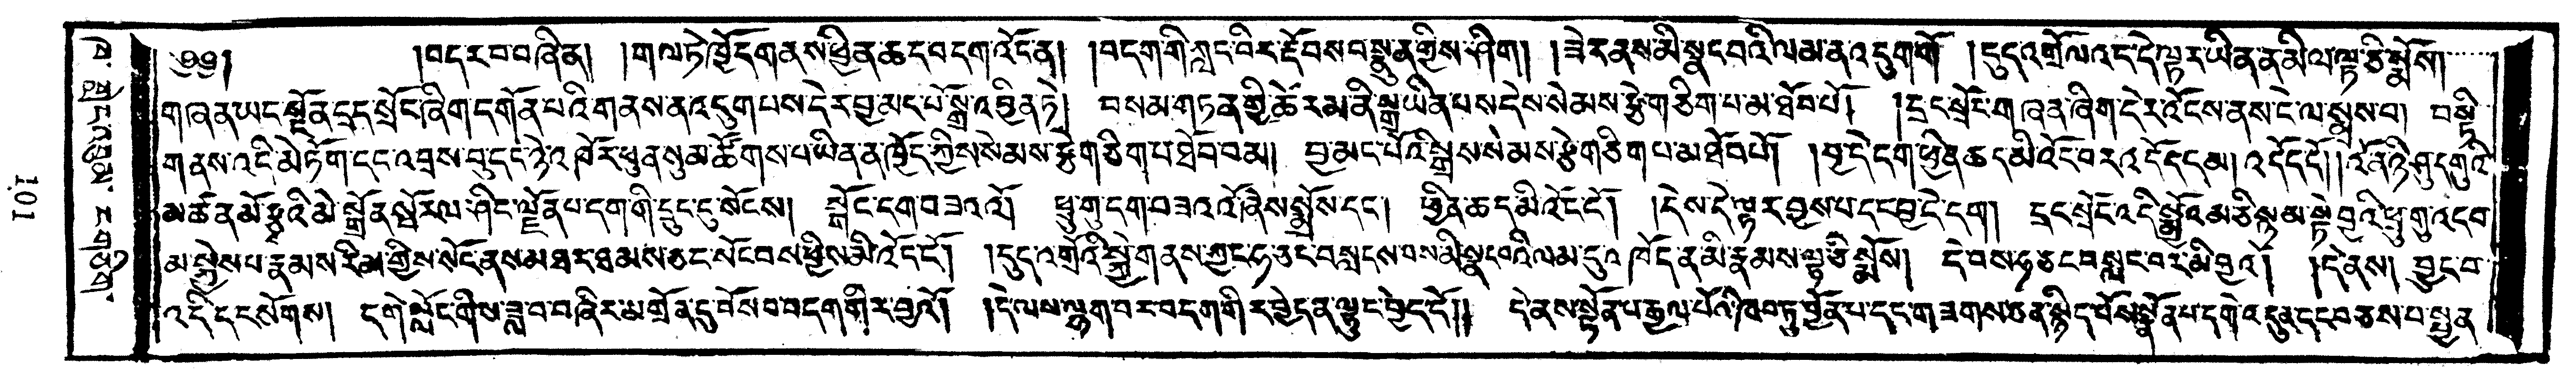༄༅། །བདར་བ་བཞིན། །གལ་ཏེ་ཁྱོད་གནས་ཕྱིན་ཆད་བདག་འོད་ན། །བདག་གི་ཀླང་བིར་རྡོབས་བསྣུན་གྱིས་ཤིག། །ཟེར་ནས་མི་སྣང་བའི་ལམ་ན་འདུག་གོ །དུད་འགྲོ་ལའང་དེ་ལྟར་ཡིན་ན་མི་ལ་ལྟ་ཅི་སྨོས།
གཞན་ཡང་སྔོན་དྲང་སྲོང་ཞིག་དགོན་པའི་གནས་ན་འདུག་པས་དེར་བྱ་མང་པོ་སྒྲ་འབྱིན་ཏེ། བསམ་གཏན་གྱི་ཚེར་མ་ནི་སྒྲ་ཡིན་པས་དེས་སེམས་རྩེ་གཅིག་པ་མ་ཐོབ་པོ། །དྲང་སྲོང་གཞན་ཞིག་དེར་འོངས་ནས་དེ་ལ་སྨྲས་པ། བསྟི་
གནས་འདི་མེ་ཏོག་དང་འབྲས་བུ་དང་ཉེ་འཁོར་ཕུན་སུམ་ཚོགས་པ་ཡིན་ན་ཁྱོད་ཀྱིས་སེམས་རྩེ་གཅིག་པ་ཐོབ་བམ། བྱ་མང་པོའི་སྒྲས་སེམས་རྩེ་གཅིག་པ་མཐོབ་བོ། །བྱ་དེ་དག་ཕྱིན་ཆད་མི་འོང་བར་འདོད་དམ། འདོད་དོ། །འོ་ན་ཉི་ཤུ་དགུའི་
མཚན་མོ་རྩྭའི་མེ་སྒྲོན་སྦོར་ལ་ཤིང་ལྗོན་པ་དག་གི་དྲུང་དུ་སོངས། སྒོང་དག་བཟའ་འོ། །ཕྲུ་གུ་དག་བཟའ་འོ་ཞེས་སྨྲོས་དང་། ཕྱིན་ཆད་མི་འོང་ངོ། །དེས་དེ་ལྟར་བྱས་པ་དང་བྱ་དེ་དག། དྲང་སྲོང་འདི་སྨྱོའམ་ཅི་སྙམ་སྟེ་བྱའི་ཕྲུ་གུ་འདབ་
མ་སྐྱེས་པ་རྣམས་རིམ་གྱིས་སོང་ནས་མཐར་ཐམས་ཅད་སོང་བས་ཕྱིས་མི་འོང་ངོ། །དུད་འགྲོའི་སྐྱེ་གནས་ཀྱང་ཧ་ཅང་བསླངས་བས་མི་སྣང་བའི་ལམ་དུ་འཁོད་ན་མི་རྣམས་ལྟ་ཅི་སྨོས། དེ་བས་ཧ་ཅང་བསླང་བར་མི་བྱའོ། །དེ་ནས། བྱུང་བ་
འདི་དང་སོགས། དགེ་སློང་གིས་ཟླ་བ་བཞིར་མགྲོན་དུ་བོས་བ་བདག་གིར་བྱའོ། །དེ་ལས་ལྷག་བར་བདག་གིར་བྱེད་ན་ལྟུང་བྱེད་དོ།། དེ་ནས་སྟོན་པ་རྒྱལ་པོའི་ཁབ་ཏུ་བྱོན་པ་དང་གཟགས་ཅན་སྙིང་པོས་སྣོན་པ་དགེ་འདུན་དང་བཅས་པ་སྤྱན་